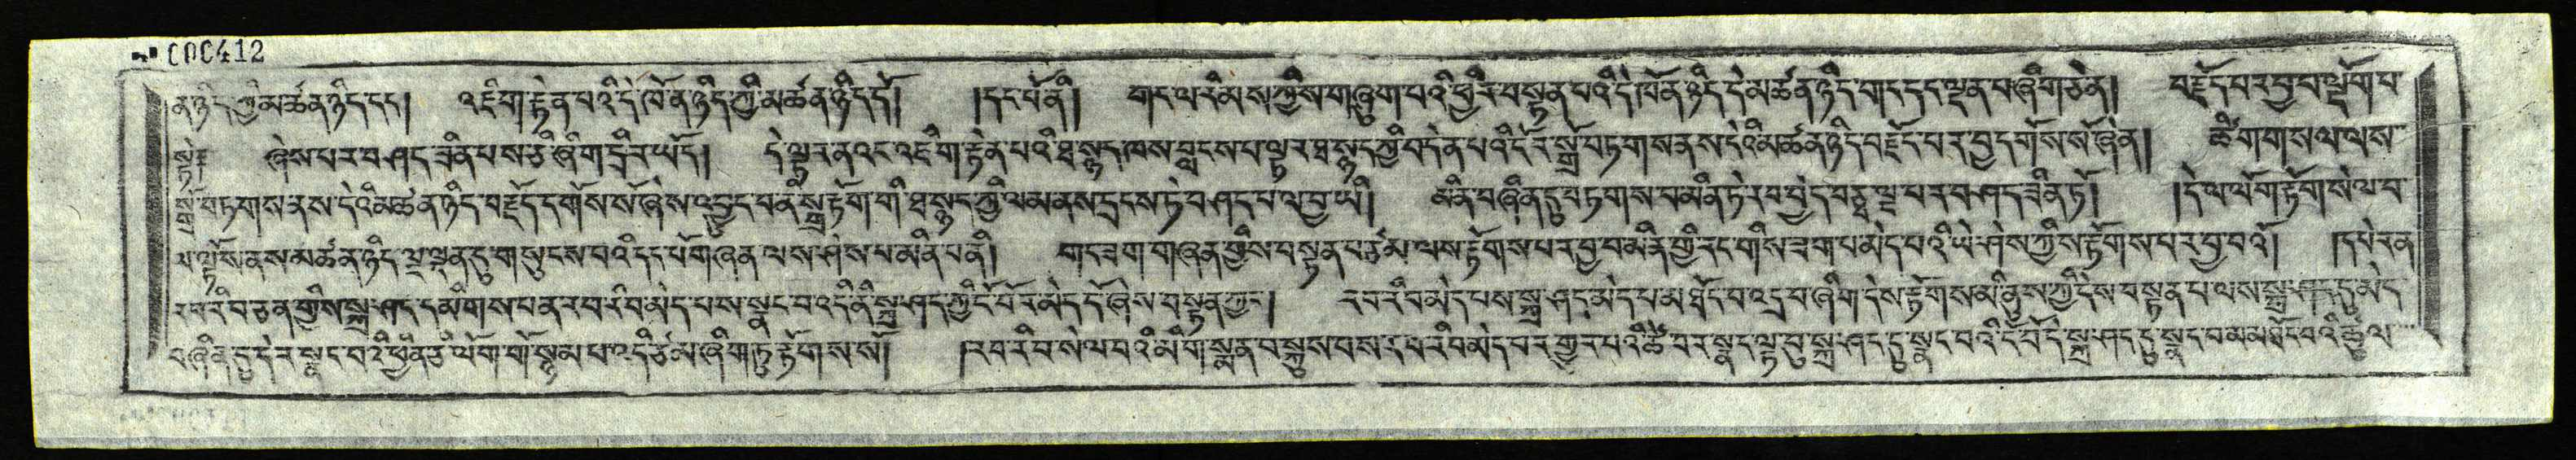ན་ཉིད་ཀྱི་མཚན་ཉིད་དང་། འཇིག་རྟེན་པའི་དེ་ཁོ་ན་ཉིད་ཀྱི་མཚན་ཉིད་དོ། །དང་པོ་ནི། གང་ལ་རིམས་ཀྱིས་གཞུག་པའི་ཕྱིར་བསྟན་པའི་དེ་ཁོ་ན་ཉིད་དེ་མཚན་ཉིད་གང་དང་ལྡན་པ་ཞིག་ཅེ་ན། བརྗོད་པར་བྱ་བ་ལྡོག་པ་
སྟེ༑ ཞེས་པར་བཤད་ཟིན་པས་ཅི་ཞིག་དྲིར་ཡོད། དེ་ལྟར་ནའང་འཇིག་རྟེན་པའི་ཐ་སྙད་ཁས་བླངས་པ་ལྟར་ཐ་སྙད་ཀྱི་བདེན་པའི་ངོར་སྒྲོ་བཏགས་ནས་དེའི་མཚན་ཉིད་བརྗོད་པར་བྱ་དགོས་སོ་ཞེ་ན། ཚིག་གསལ་ལས་
སྒྲོ་བཏགས་ནས་དེའི་མཚན་ཉིད་བརྗོད་དགོས་སོ་ཞེས་འབྱུང་བ་ནི་སྒྲ་རྟོག་གི་ཐ་སྙད་ཀྱི་ལམ་ནས་དྲངས་ཏེ་བཤད་པ་ལ་བྱ་ཡི། མིན་བཞིན་དུ་བཏགས་པ་མིན་ཏེ་རབ་བྱེད་བཅྭ་ལྔ་པར་བཤད་ཟིན་ཏོ། །དེ་ལ་ལོག་རྟོག་སེལ་བ་
ལ་ལྟོས་ནས་མཚན་ཉིད་ལྔ་ལྡན་དུ་གསུངས་པའི་དང་པོ་གཞན་ལས་ཤེས་པ་མིན་པ་ནི། གང་ཟག་གཞན་གྱིས་བསྟན་པ་ཙམ་ལས་རྟོགས་པར་བྱ་བ་མིན་གྱི་རང་གིས་ཟག་པ་མེད་པའི་ཡེ་ཤེས་ཀྱིས་རྟོགས་པར་བྱ་བའོ། །དཔེར་ན་
རབ་རིབ་ཅན་གྱིས་སྐྲ་ཤད་དམིགས་པ་ན་རབ་རིབ་མེད་པས་སྣང་བ་འདི་ནི་སྐྲ་ཤད་ཀྱི་ངོ་བོར་མེད་དོ་ཞེས་བསྟན་ཀྱང་། རབ་རིབ་མེད་པས་སྐྲ་ཤད་མེད་པ་མཐོང་བ་འདྲ་བ་ཞིག་དེས་རྟོགས་མི་ནུས་ཀྱི་དེས་བསྟན་པ་ལས་སྐྲ་ཤད་དུ་མེད་
བཞིན་དུ་དེར་སྣང་བའི་ཕྱིན་ཅི་ལོག་གོ་སྙམ་པ་འདི་ཙམ་ཞིག་ཏུ་རྟོགས་སོ། །རབ་རིབ་སེལ་བའི་མིག་སྨན་པ་སྐུས་བས་རབ་རིབ་མེད་པར་གྱུར་པའི་ཚེ་བར་སྣང་ལྟ་བུ་སྐྲ་ཤད་དུ་སྣང་བའི་ངོ་བོ་དེ་སྐྲ་ཤད་དུ་སྣང་བ་མ་མཐོང་བའི་ཚུལ་